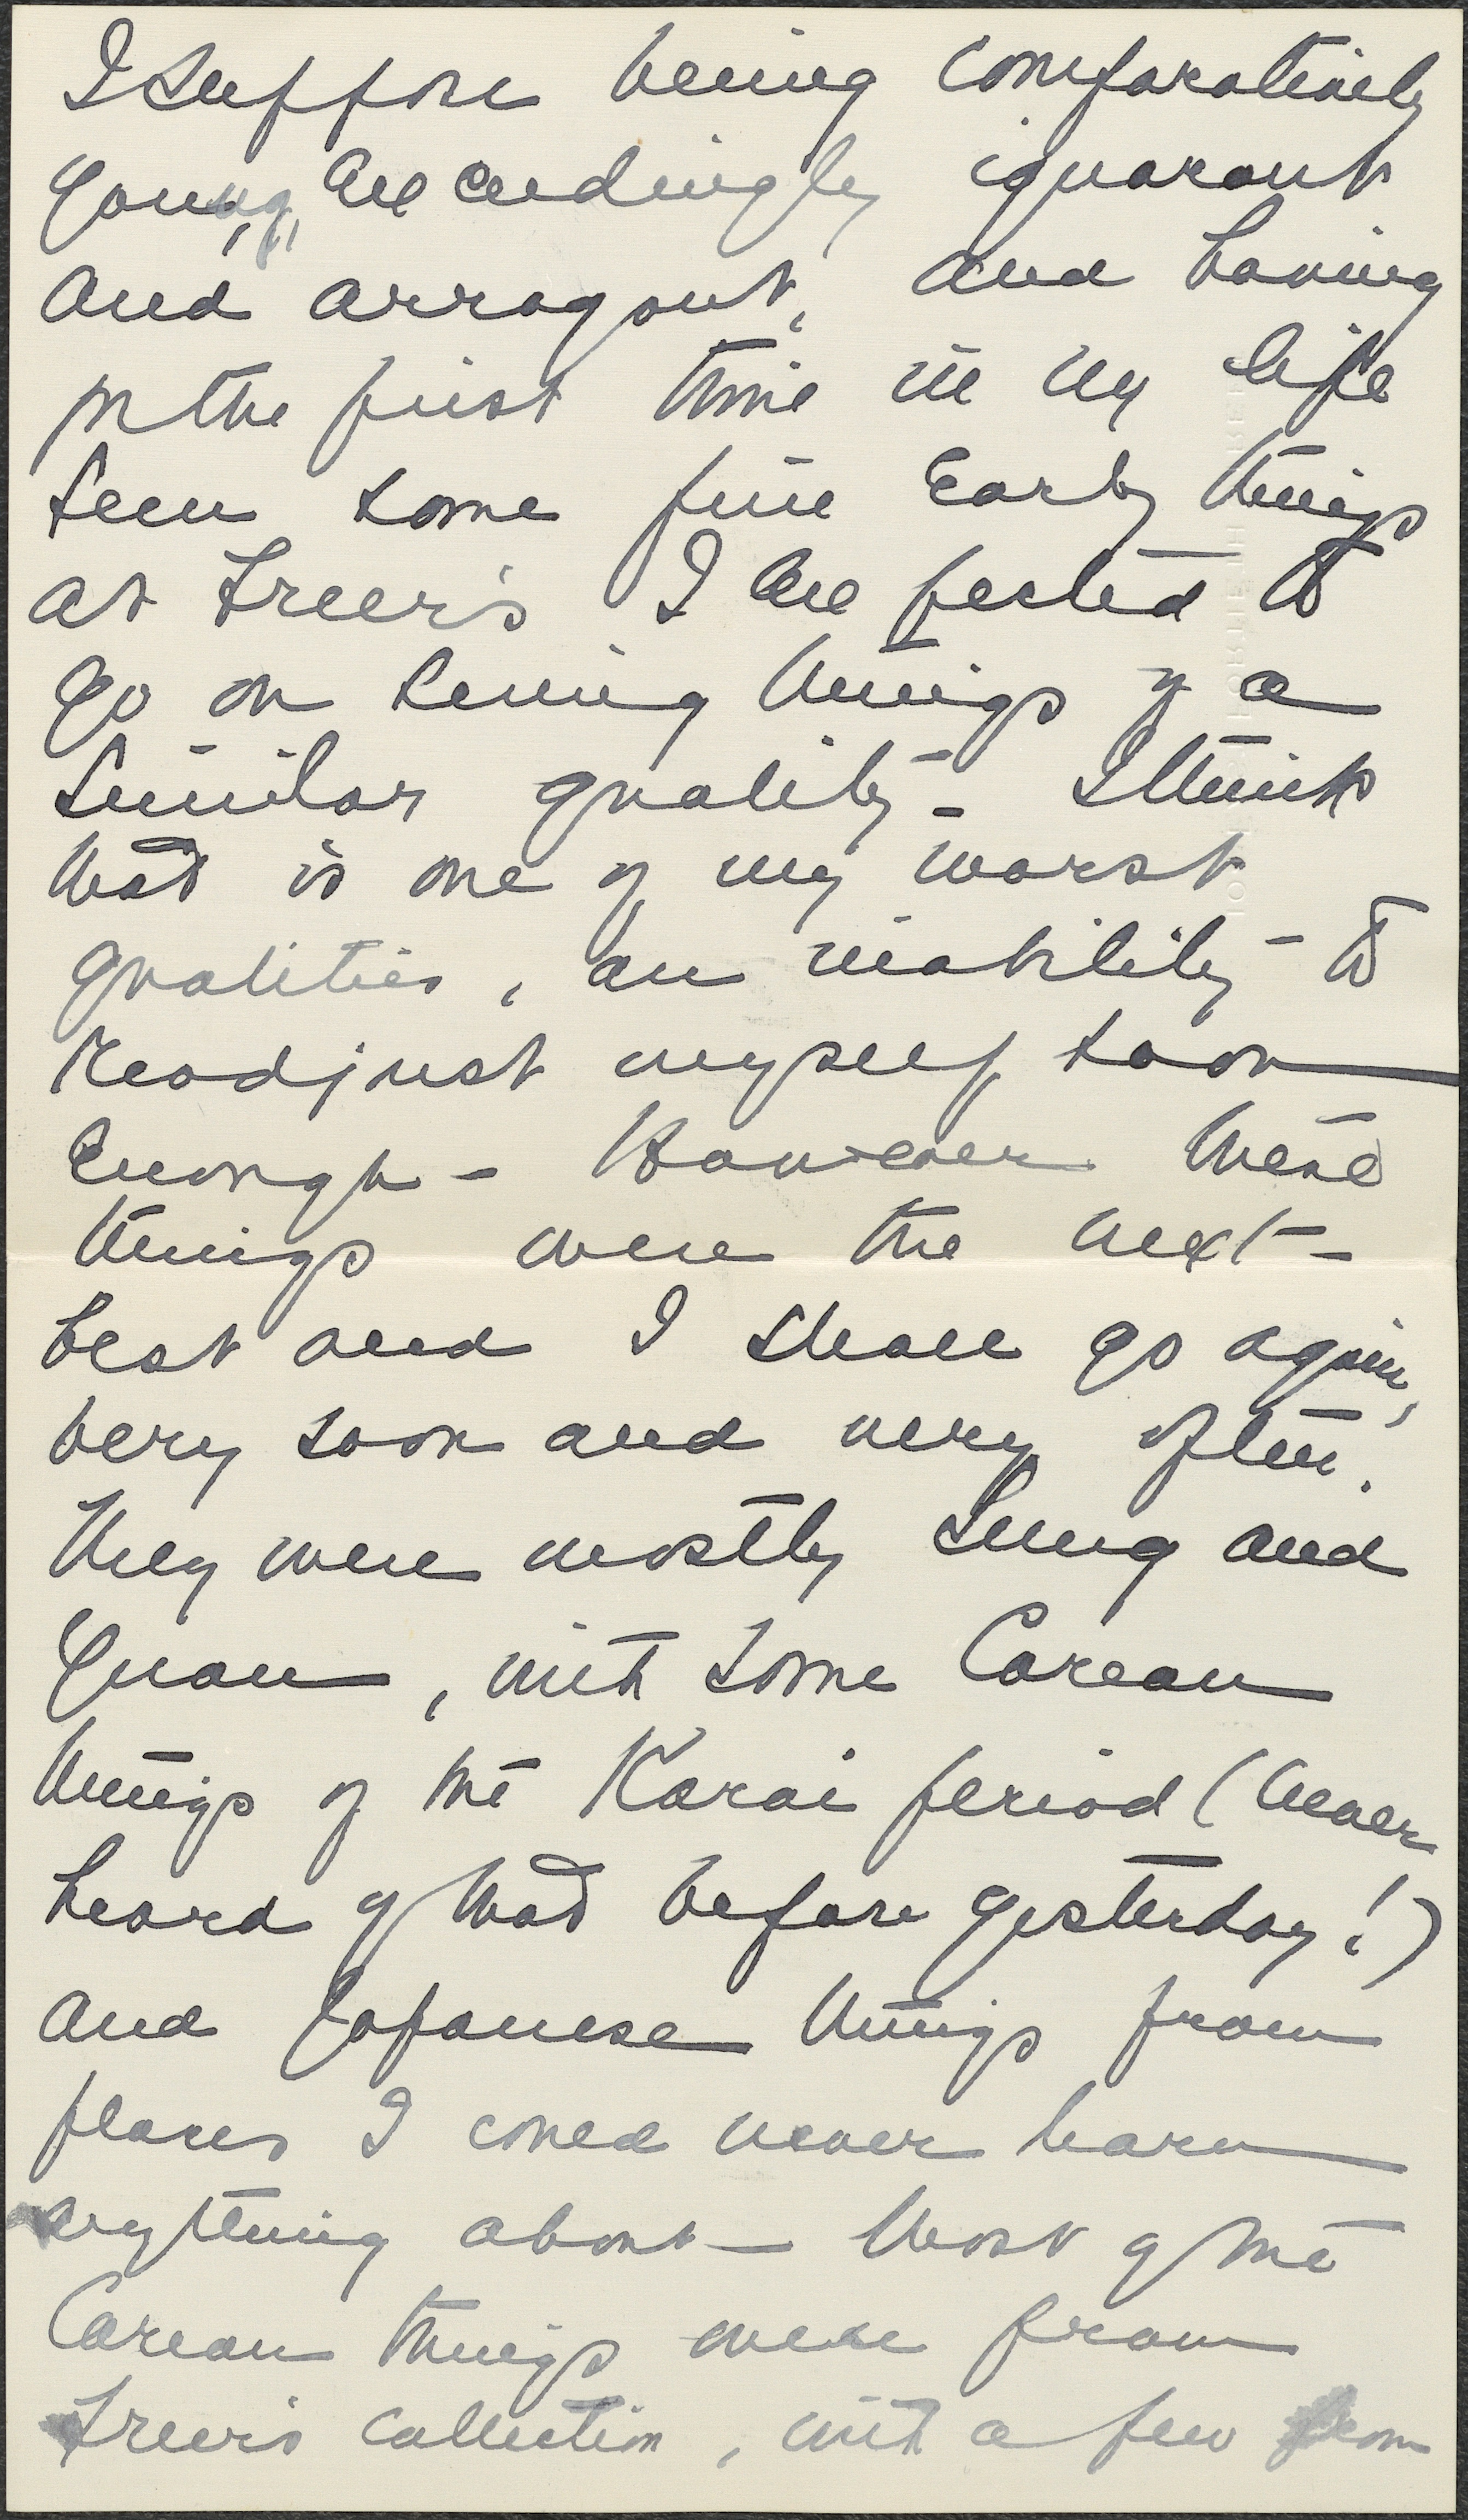I suppose being comparatively young, exceedingly ignorant and arrogant, and having for the first time in my life seen some fine early things at Freer’s I expected to go on seeing things of a similar quality – I think that is one of my worst qualities, an inability to readjust myself soon enough – However these things were the next-best and I shall go again very soon and very often. They were mostly Sung and Yuan, with some Corean things of the Korai period (never heard of that before yesterday!) and Japanese things from places I could never learn anything about – most of the Corean things were from Freer’s collection, with a few from